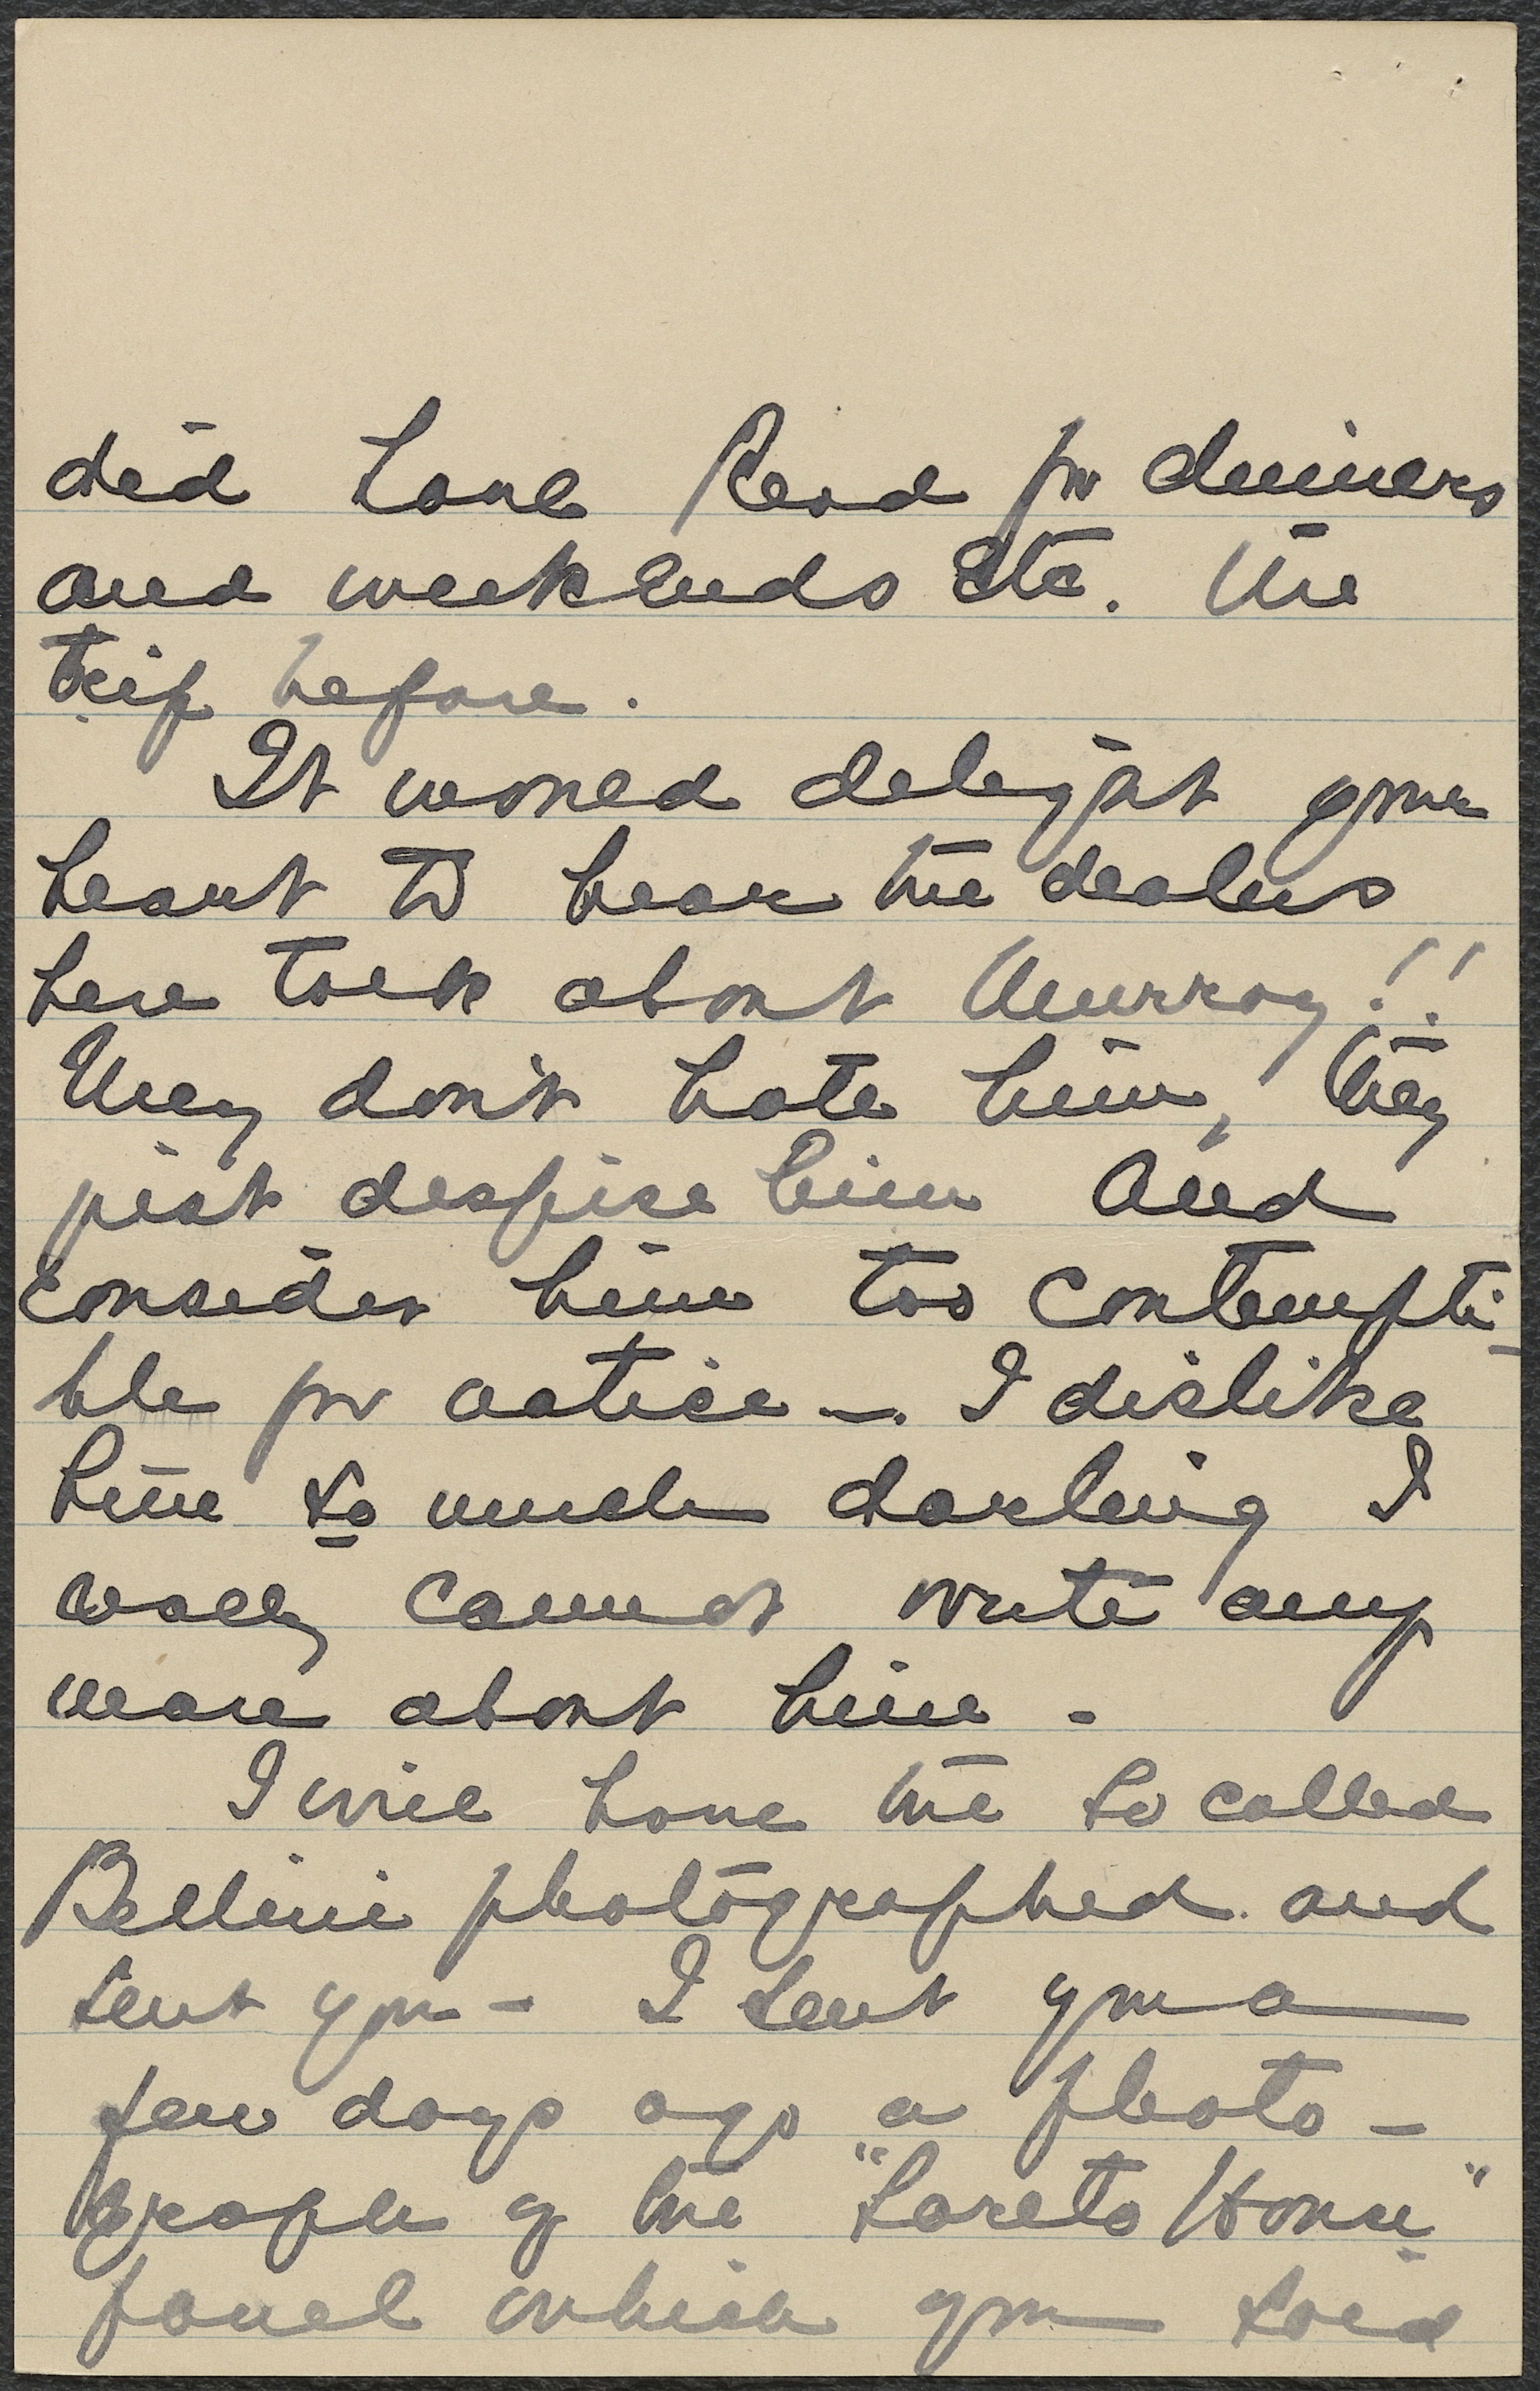did have Read for dinners and weekends etc. the trip before.
It would delight your heart to hear the dealers here talk about Murray!! They don’t hate him, they just despise him and consider him too contemptible for notice – I dislike him so much darling I really cannot write any more about him –
I will have the so called Bellini photographed and sent you – I sent you a few days ago a photograph of the “Loreto House” panel which you said